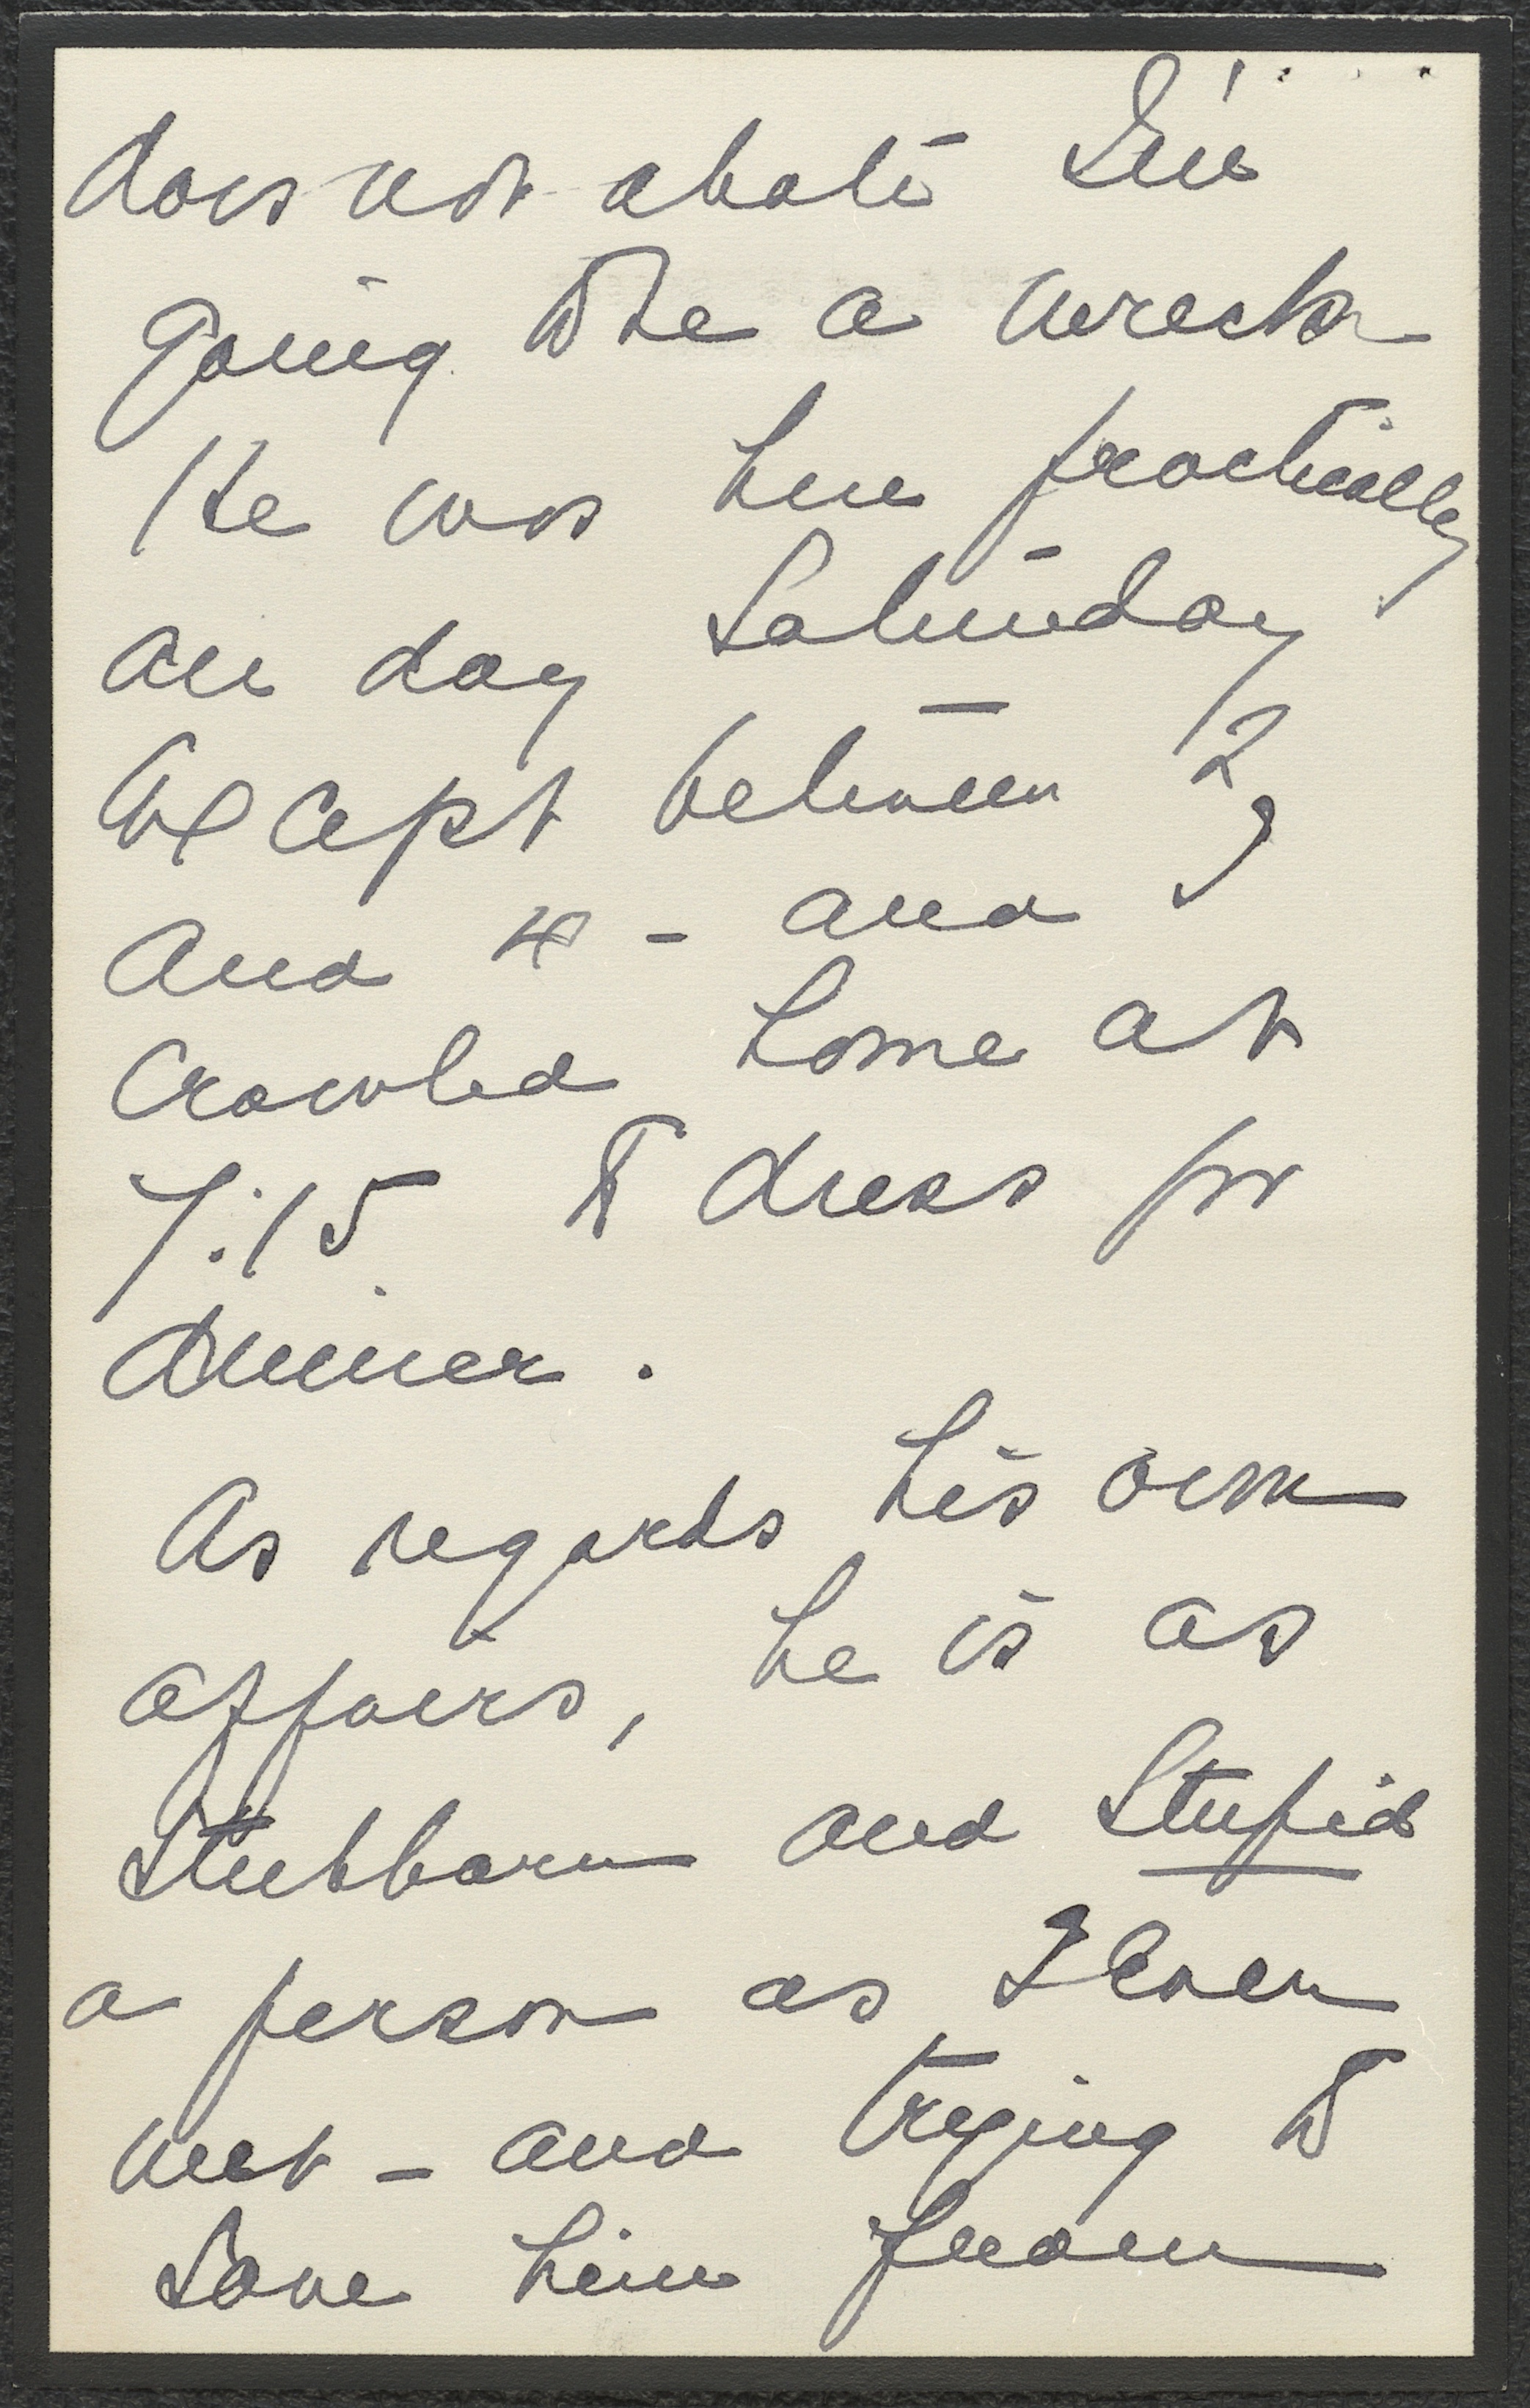does not abate I’m going to be a wreck – He was here practically all day Saturday except between 2 and 4 – and I crawled home at 7:15 to dress for dinner.
As regards his own affairs, he is as stubborn and stupid a person as I ever met – and trying to save him from